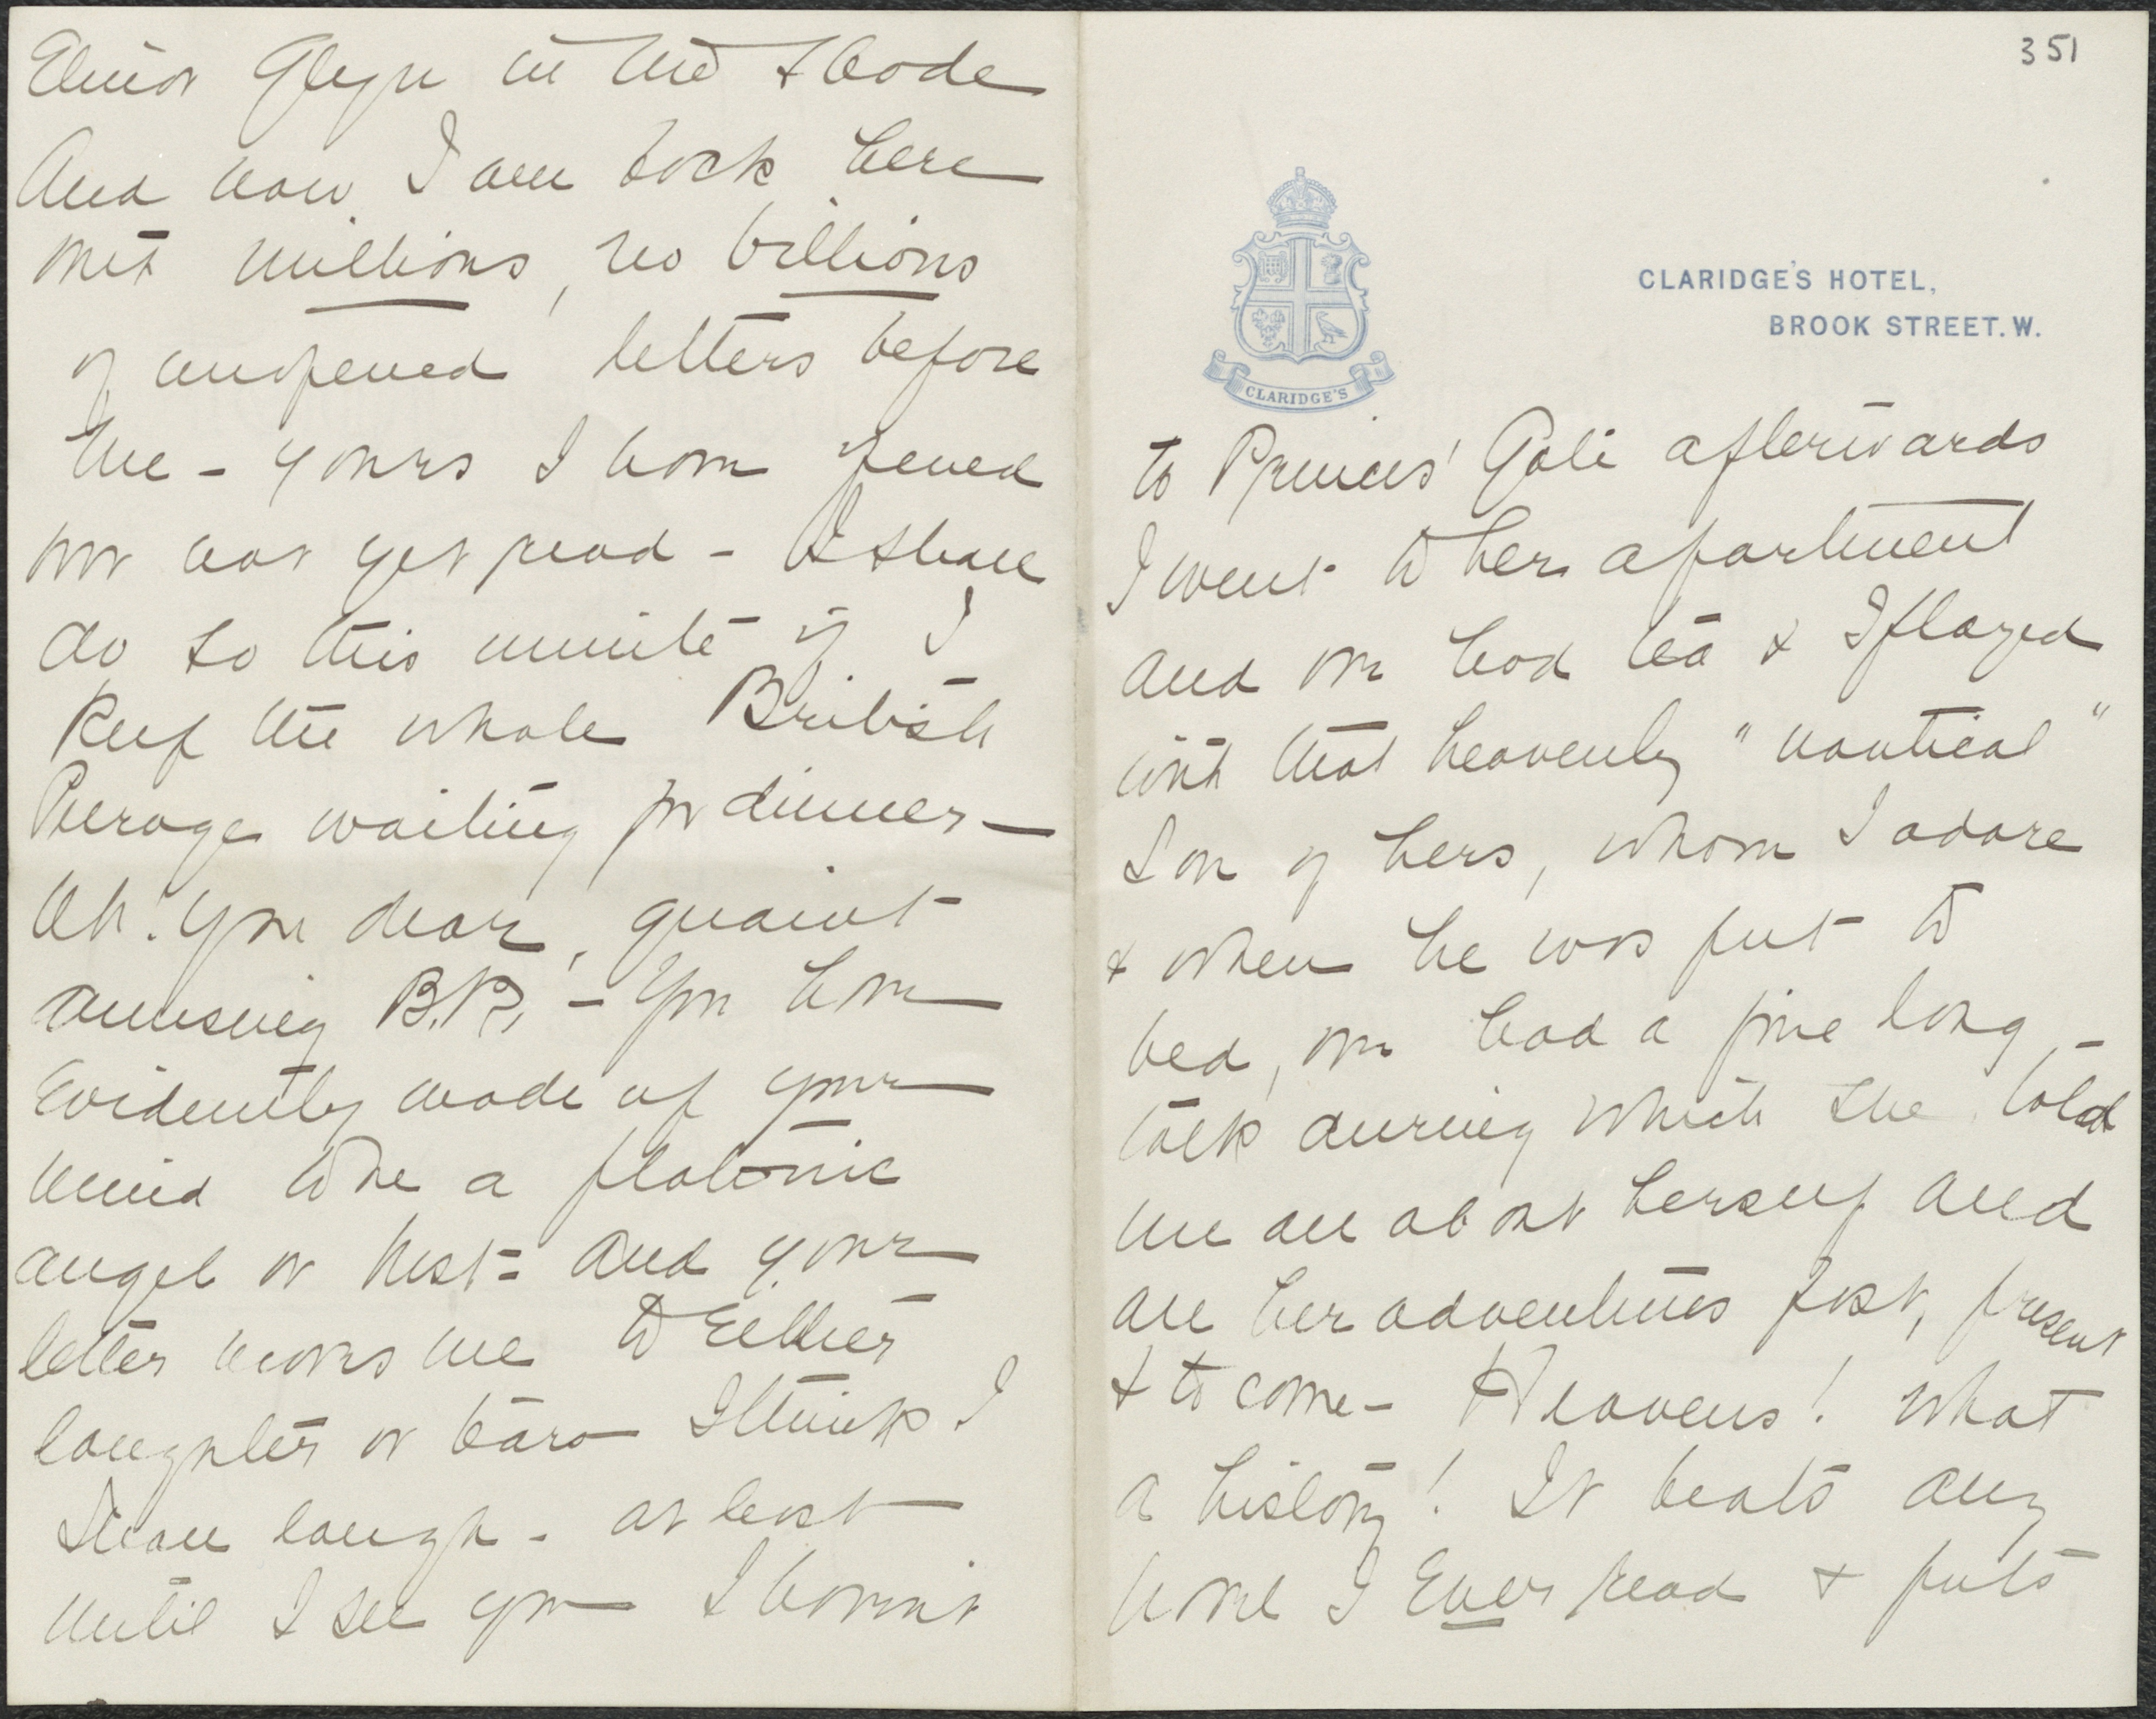to Princes’ gate afterwards I went to her apartment and we had tea & I played with that heavenly “nautical” son of hers, whom I adore & when he was put to bed, we had a fine long talk during which she told me all about herself and all her adventures past, present & to come – Heavens! what a history! It beats any novel I ever read & puts
Elinor Glyn in the shade and now I am back here with millions, no billions of unopened letters before me – yours I have opened but not yet read – I shall do so this minute if I keep the whole British Peerage waiting for dinner – Oh! you dear, quaint amusing B. B. – You have evidently made up your mind to be a platonic angel at best – and your letter moves me to either laughter or tears – I think I shall laugh – at least until I see you – I haven’t